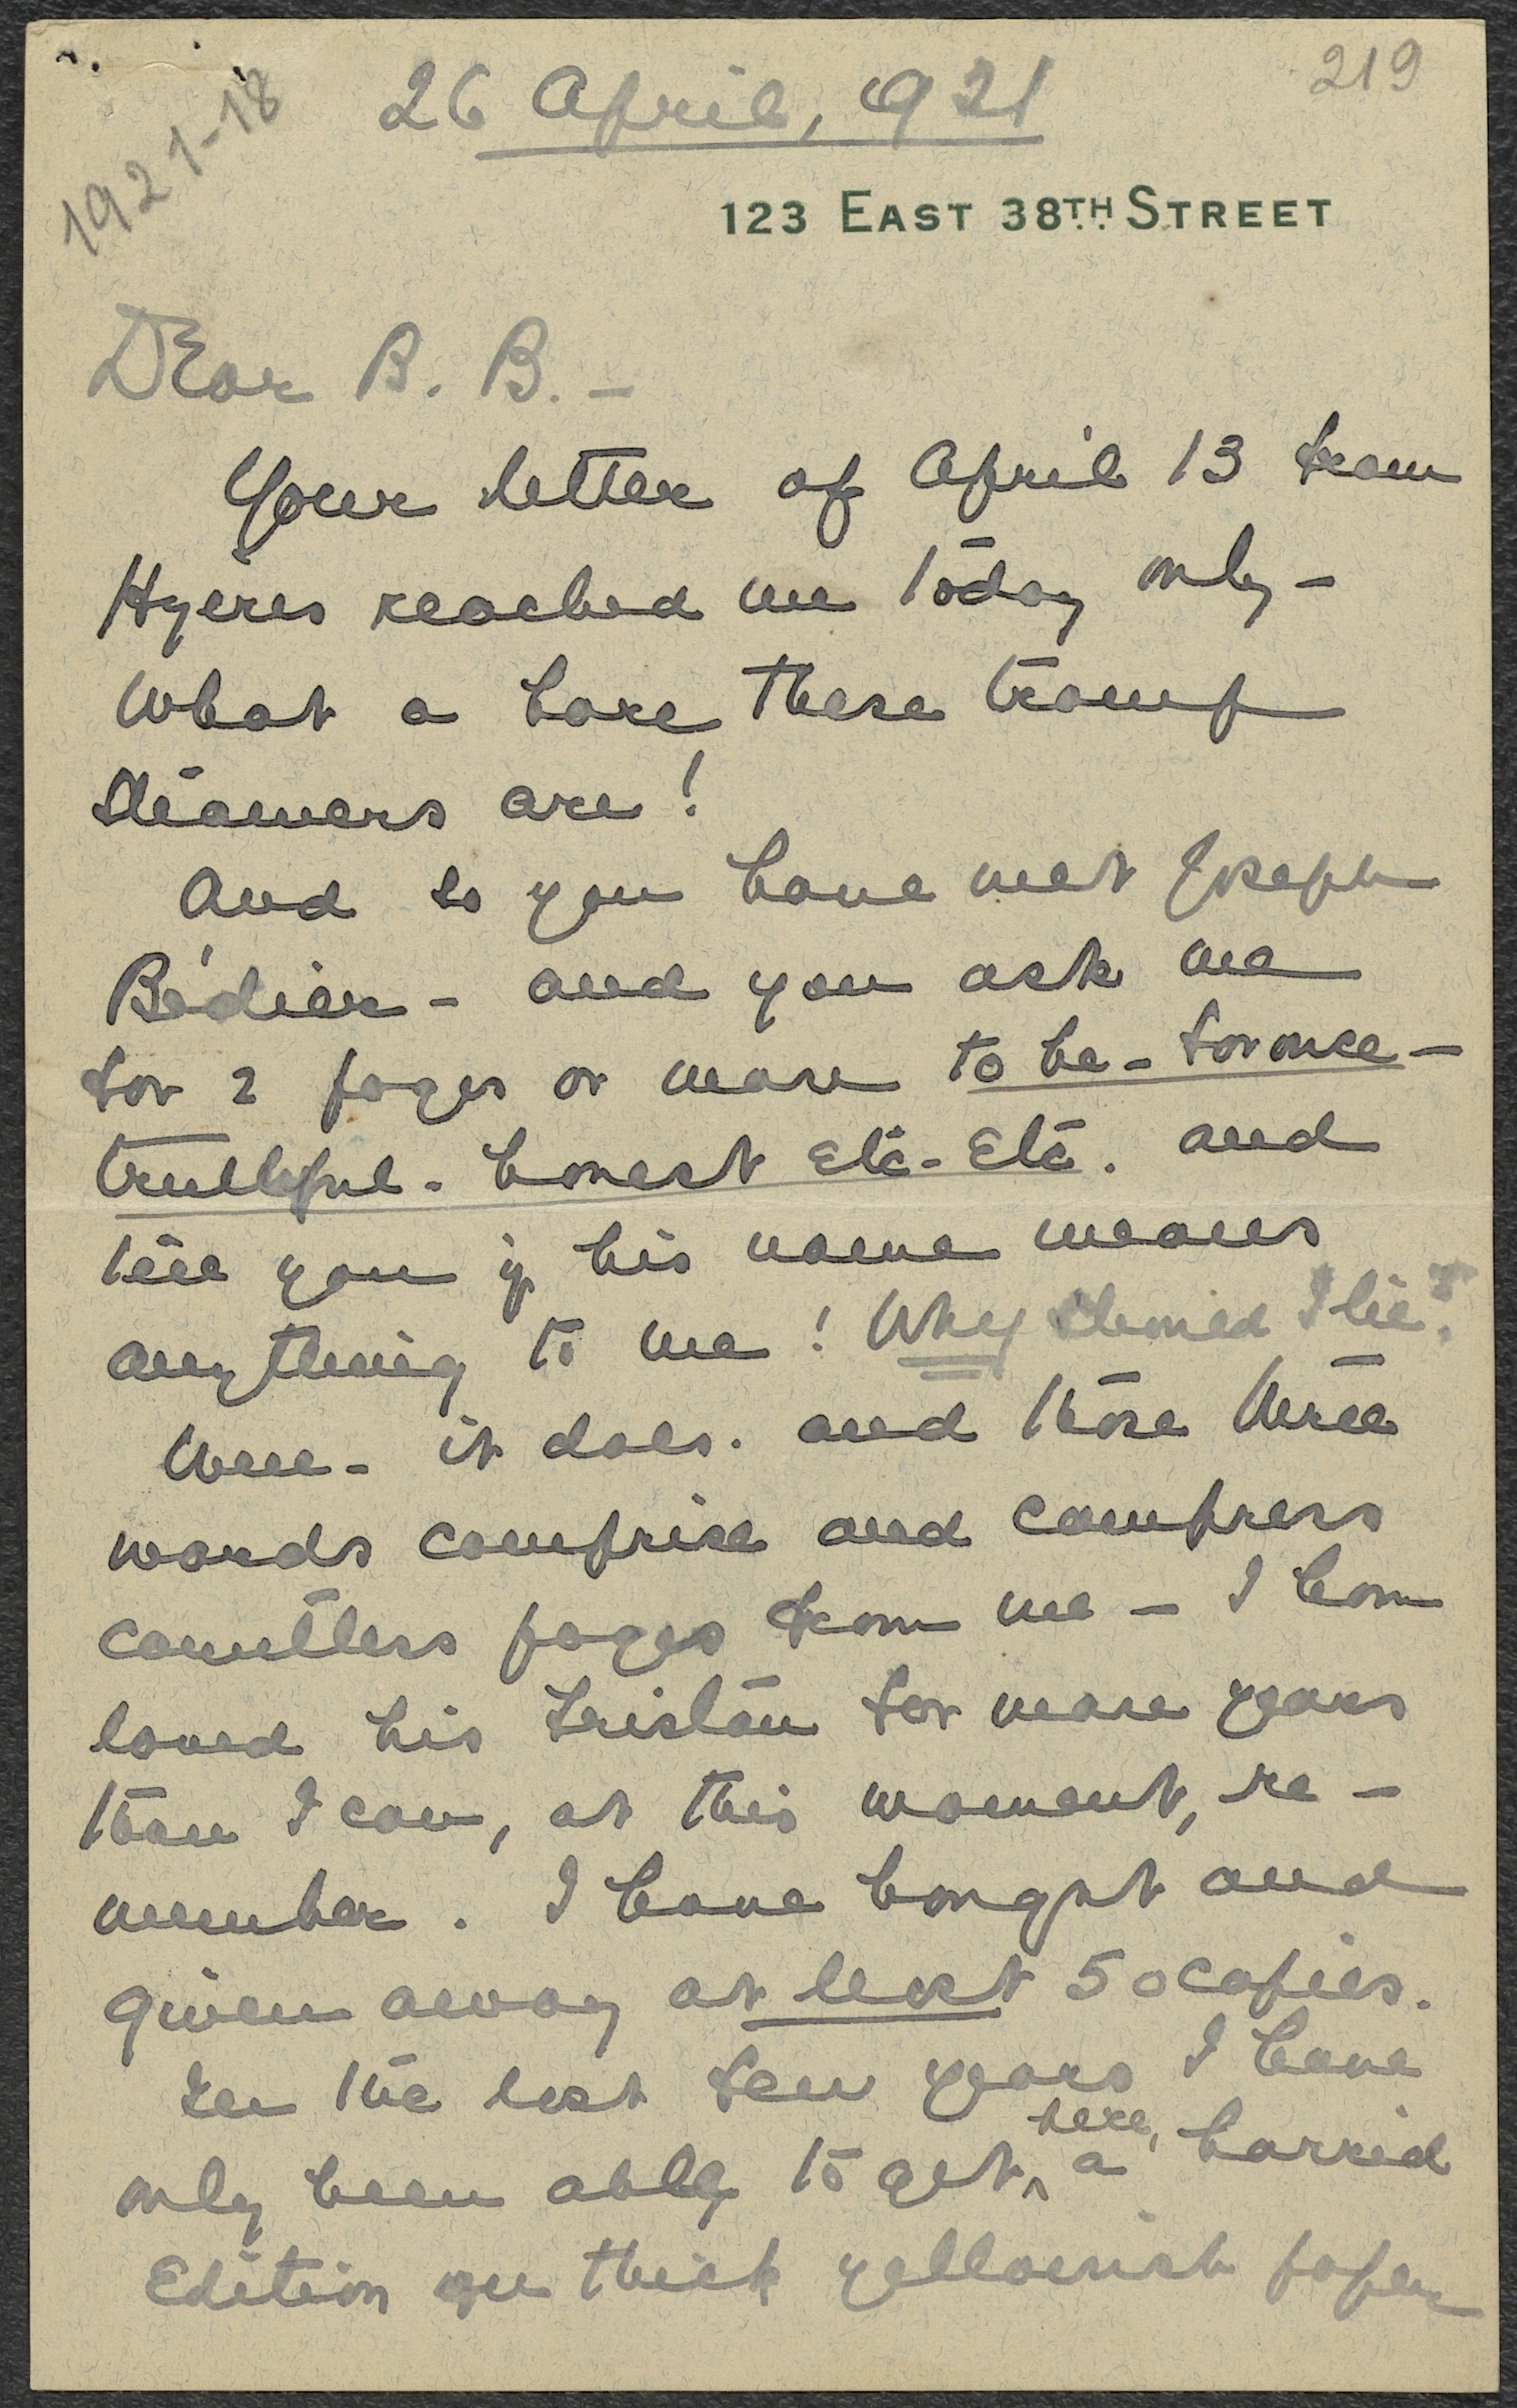26 April, 1921
Dear B. B. –
Your letter of April 13 from Hyères reached me today only – what a bore these tramp steamers are!
And so you have met Joseph Bédier – and you ask me for 2 pages or more to be – for once – truthful – honest etc. etc. and tell you if his name means anything to me! [double underlined: Why] should I lie?
Well – it does. and those three words comprise and compress countless pages from me – I have loved his Tristan for more years than I can, at this moment, remember. I have bought and given away at least 50 copies.
For the last few years I have only been able to get [^here,^] a horrid edition on thick yellowish paper